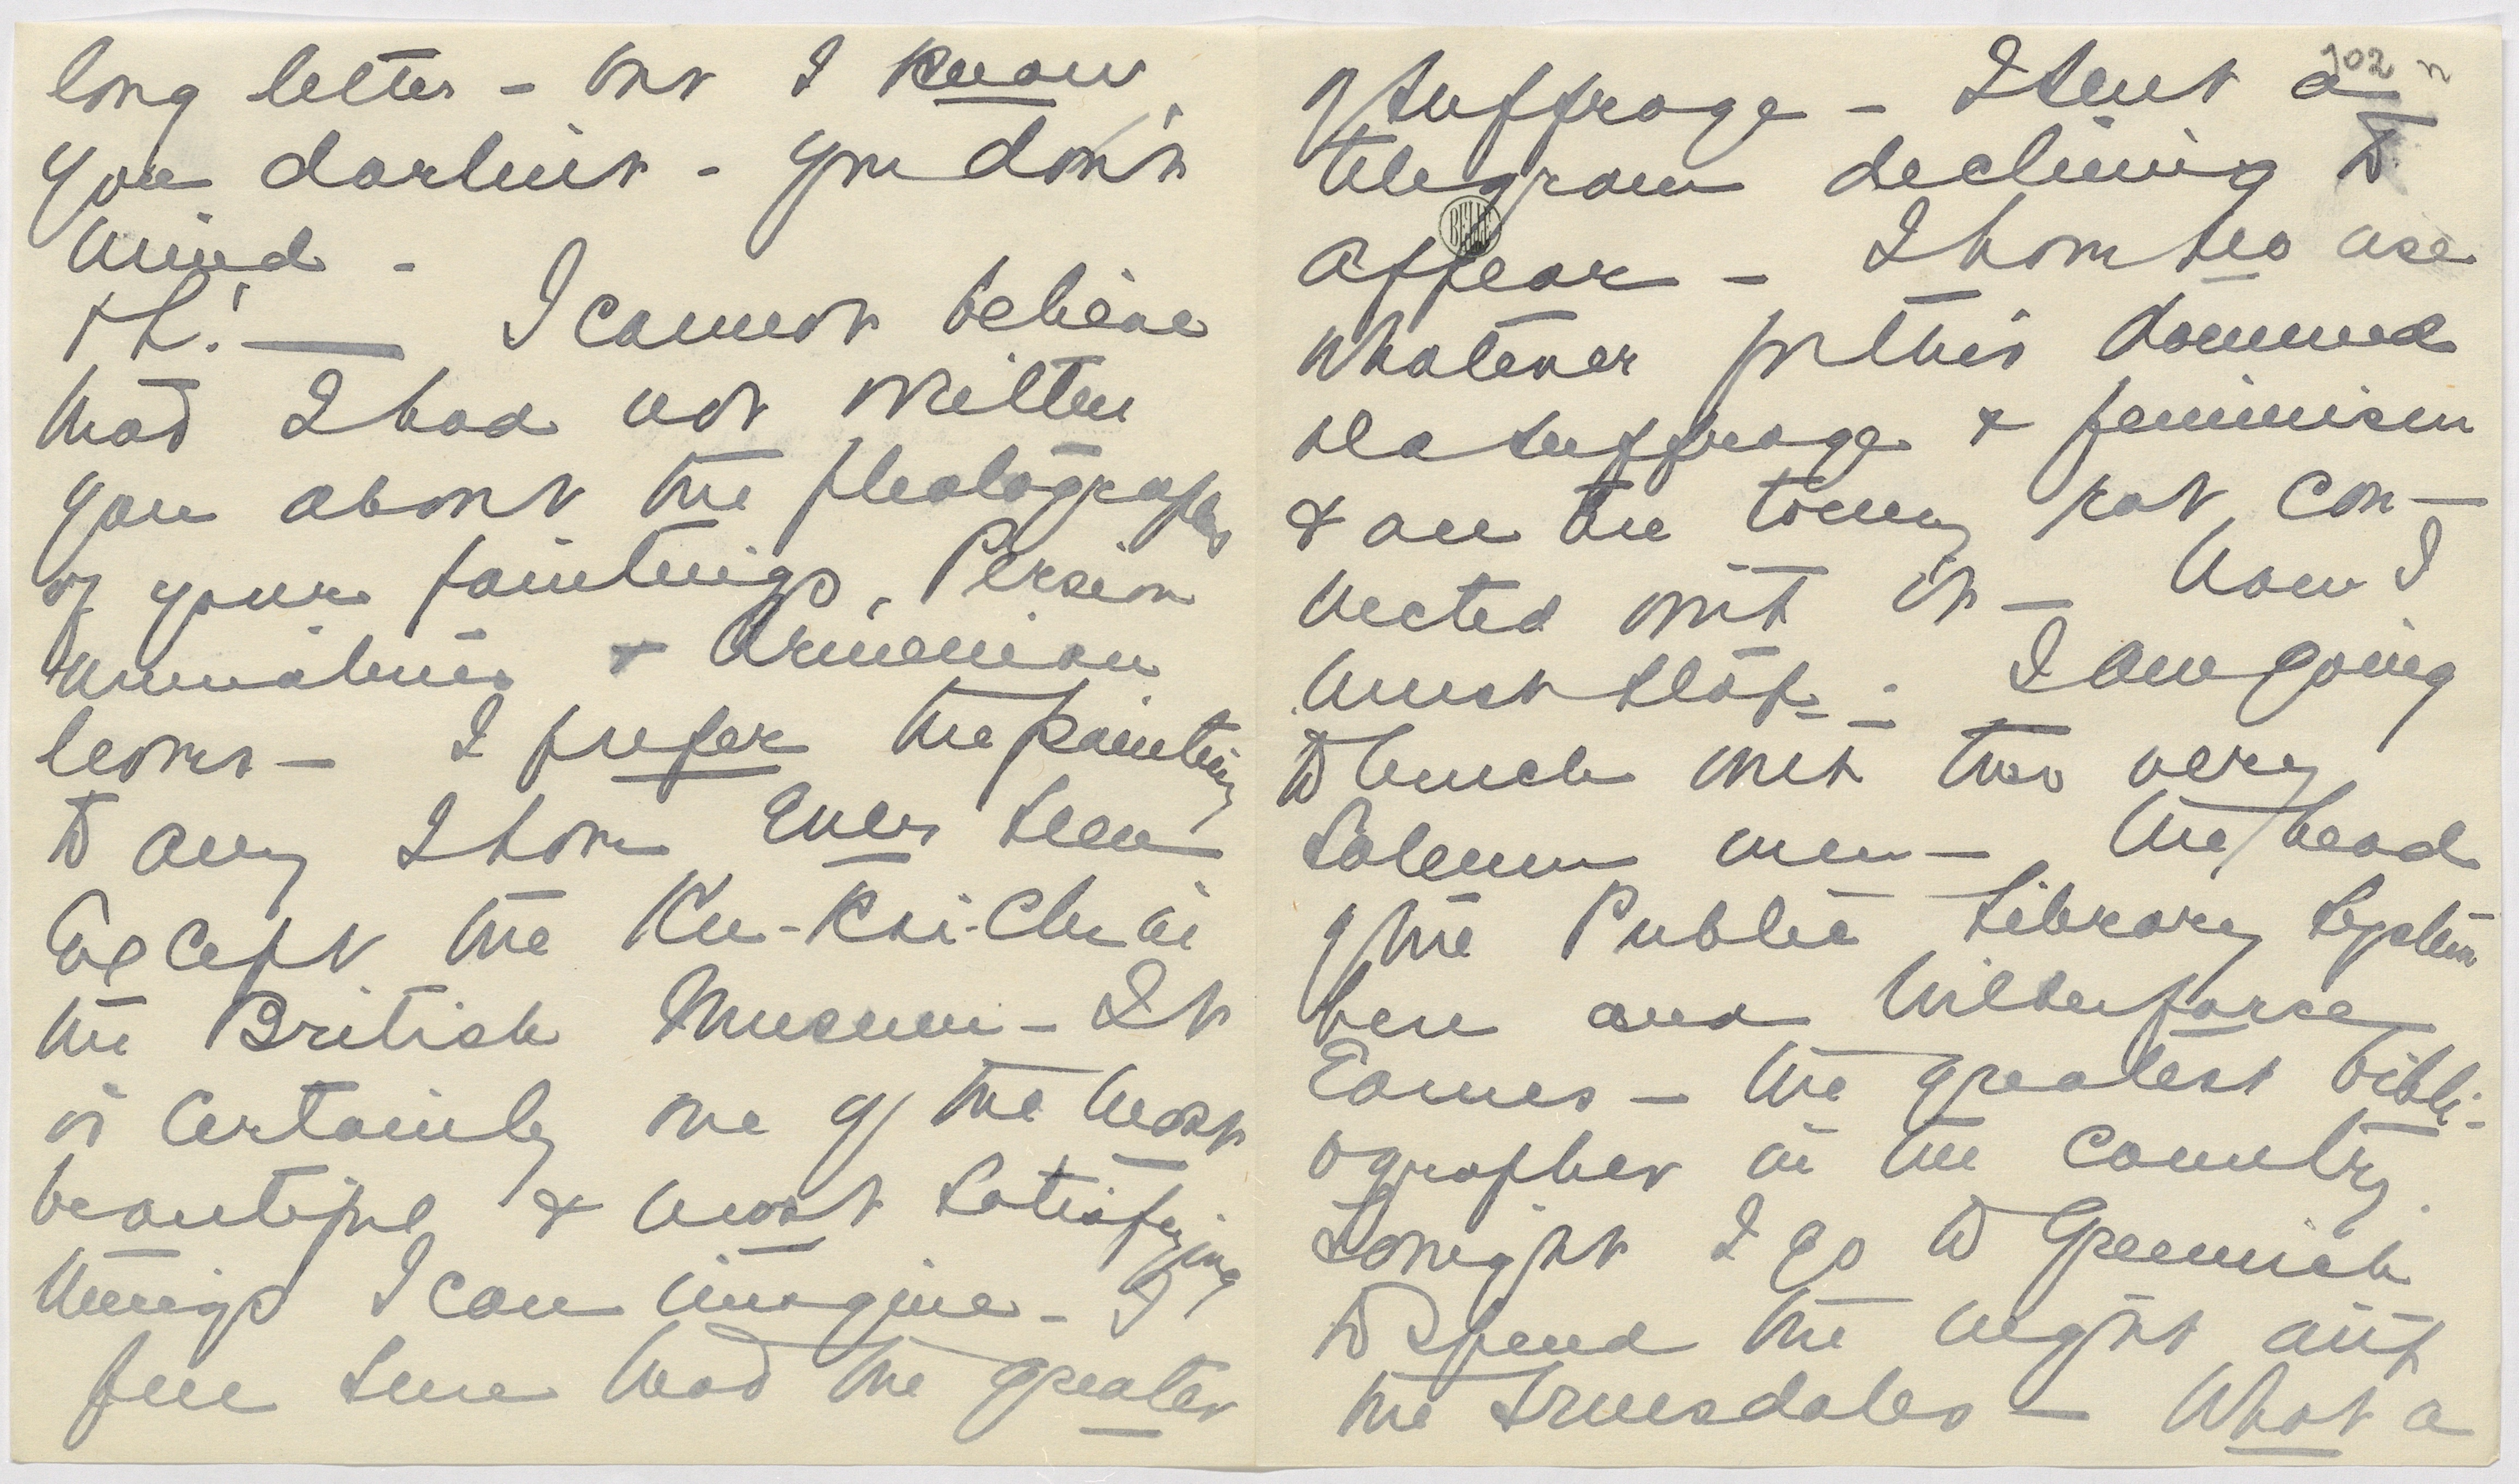of suffrage – I sent a telegram declining to appear – I have no use whatever for this damned old suffrage & feminism & all the toney rot connected with it – Now I must stop. I am going to lunch with two very solemn men – the head of the Public Library System here and Wilberforce Eames – the greatest bibliographer in the country. Tonight I go to Greenwich to spend the night with the Truesdales – What a
long letter – but I know you darlint – you don’t mind –
oh! – I cannot believe that I had not written you about the photographs of your paintings, Persian miniatures & Armenian leaves – I prefer the painting to any I have ever seen except the Ku-Kai-Chi in the British Museum – It is certainly one of the most beautiful & most satisfying things I can imagine – I feel sure that the greater